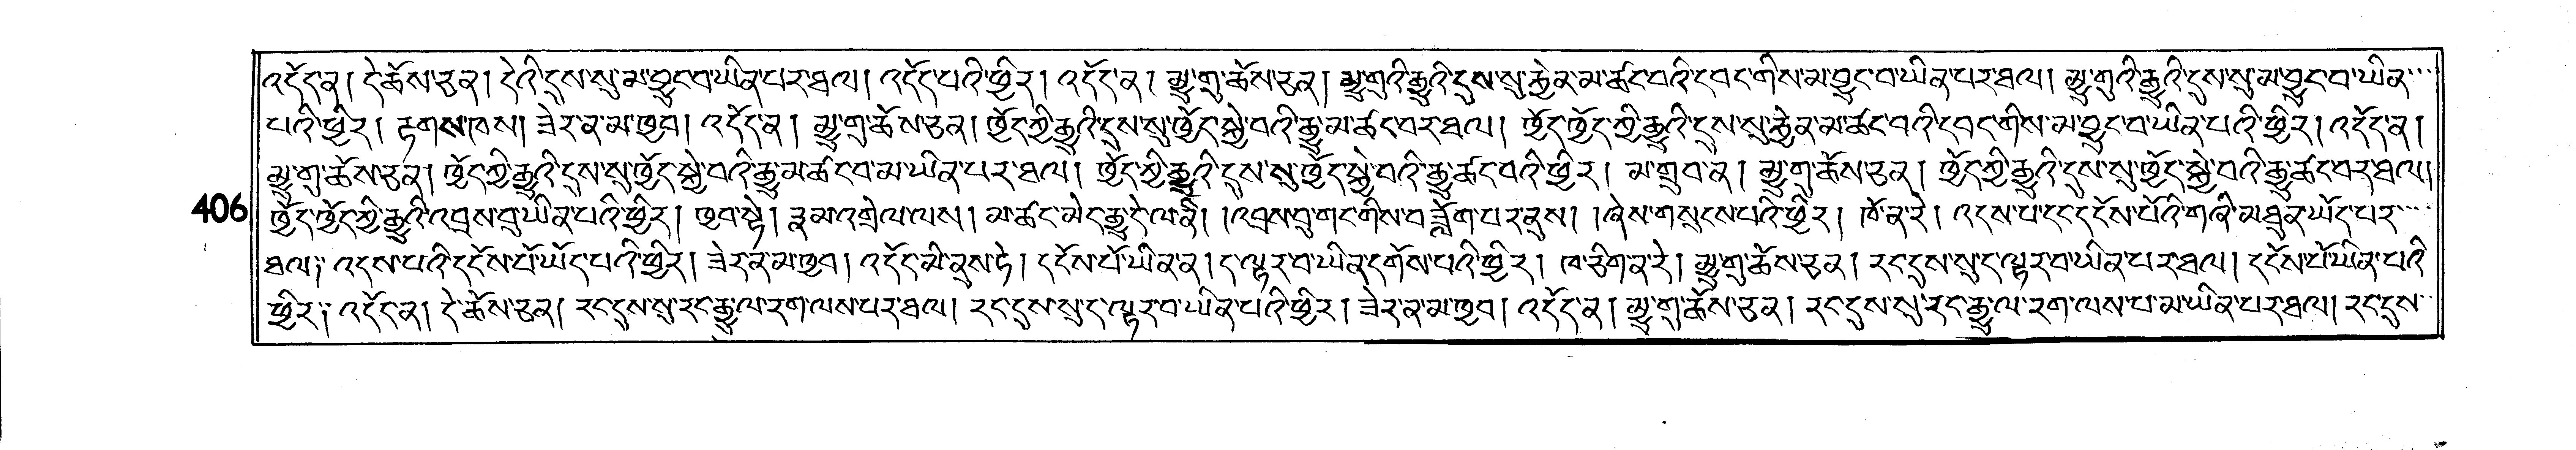འདོད་ན། དེ་ཆོས་ཅན། དེའི་དུས་སུ་མ་བྱུང་བ་ཡིན་པར་ཐལ། འདོད་པའི་ཕྱིར། འདོད་ན། མྱུ་གུ་ཆོས་ཅན། མྱུ་གུའི་རྒྱུའི་དུས་སུ་རྐྱེན་མ་ཚང་བའི་དབང་གིས་མ་བྱུང་བ་ཡིན་པར་ཐལ། མྱུ་གུའི་རྒྱུའི་དུས་སུ་མ་བྱུང་བ་ཡིན་
པའི་ཕྱིར། རྟགས་ཁས། ཟེར་ན་མ་ཁྱབ། མྱུ་གུ་ཆོས་ཅན། ཁྱོད་ཀྱི་རྒྱུའི་དུས་སུ་ཁྱོད་སྐྱེ་བའི་རྒྱུ་མ་ཚང་བར་ཐལ། ཁྱོད་ཁྱོད་ཀྱི་རྒྱུའི་དུས་སུ་རྐྱེན་མ་ཚང་བའི་དབང་གིས་མ་བྱུང་བ་ཡིན་པའི་ཕྱིར། འདོད་ན།
མྱུ་གུ་ཆོས་ཅན། ཁྱོད་ཀྱི་རྒྱུའི་དུས་སུ་ཁྱོད་སྐྱེས་བའི་རྒྱུ་མ་ཚང་བ་མ་ཡིན་པར་ཐལ། ཁྱོད་ཀྱི་དུས་སུ་ཁྱོད་སྐྱེ་བའི་རྒྱུ་ཚད་བའི་ཕྱིར། མ་གྲུབ་ན། མྱུ་གུ་ཆོས་ཅན། ཁྱོད་ཀྱི་རྒྱུའི་དུས་སུ་ཁྱོད་སྐྱེ་བའི་རྒྱུ་ཚང་བར་ཐལ།
ཁྱོད་ཁྱོད་ཀྱི་རྒྱུའི་འབྲས་བུ་ཡིན་པའི་ཕྱིར། ཁྱབ་སྟེ། རྣམ་འགྲེལ་ལས། མ་ཚང་མེད་རྒྱུ་དེ་ལ་ནི། །འབྲས་བུ་གང་གིས་བཟློག་པར་ནུས། །ཞེས་གསུངས་པའི་ཕྱིར། ཁོ་ན་རེ། འདས་པ་དང་དངོས་པོའི་གཞི་མཐུན་ཡོད་པར་
ཐལ༑ འདས་པའི་དངོས་པོ་ཡོད་པའི་ཕྱིར། ཟེར་ན་མ་ཁྱབ། འདོད་མི་ནུས་ཏེ། དངོས་པོ་ཡིན་ན། ད་ལྟར་བ་ཡིན་དགོས་པའི་ཁྱོད། ཁ་ཅིག་ན་རེ། མྱུ་གུ་ཆོས་ཅན། རང་དུས་སུ་ད་ལྟར་བ་ཡིན་པར་ཐལ། དངོས་པོ་ཡིན་པའི་
ཕྱིར༑ འདོད་ན། དེ་ཆོས་ཅན། རང་དུས་སུ་རང་རྒྱུ་ལ་རག་ལས་པར་ཐལ། རང་དུས་སུ་ད་ལྟར་བ་ཡིན་པའི་ཕྱིར། ཟེར་ན་མ་ཁྱབ། འདོད་ན། མྱུ་གུ་ཆོས་ཅན། རང་དུས་སུ་རང་རྒྱུ་ལ་རག་ལས་པ་མ་ཡིན་པར་ཐལ། རང་དུས་